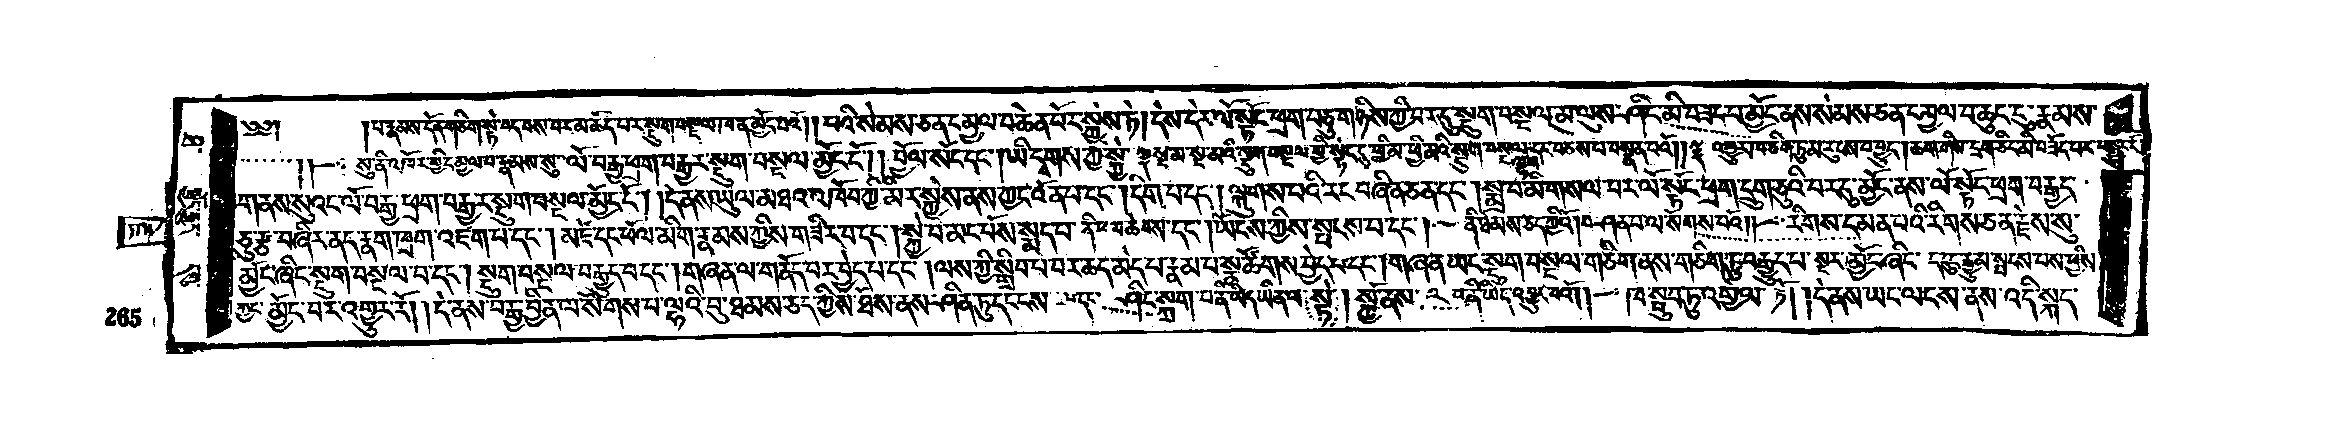༄༅། །པ་རྣམས་དོན་གཅིག་སྟེ་བདེ་བས་བར་མ་ཆོད་པར་སྡུག་བསྔལ་ཁ་ན་མྱོང་བའོ། །པའི་སེམས་ཅན་དམྱལ་བ་ཆེན་པོར་སྐྱེས་ཏེ། དེས་དེར་ལོ་སྟོང་ཕྲག་བཅུ་གཉིས་ཀྱི་བར་དུ་སྡུག་བསྔལ་མ་ལུས་ཤིང་མི་བཟད་པ་མྱོང་ནས་སེམས་ཅན་དམྱལ་བ་ཆུང་ངུ་རྣམས་
།སུ་ནི་འཁོར་གྱི་དམྱལ་བ་རྣམས་སུ་ལོ་བརྒྱ་ཕྲག་བརྒྱར་སྡུག་བསྔལ་མྱོང་ངོ། །བྱོལ་སོང་དང་། ཡི་དྭགས་ཀྱི་སྐྱེ་༈ ་སྔ་མ་སྔ་མའི་སྡུག་བསྔལ་གྱི་སྟེང་དུ་ཕྱི་མ་ཕྱི་མའི་སྡུག་བསྔལ་ལྷག་དང་བཅས་པ་བསྣན་པའོ།། ༈ འགྱུར་ཁ་ཅིག་ཏུ་མ་རུངས་པ་བྱུང་། ཆག་གིས་དྲག་ཅིང་མི་བཟོད་པར་བསྒྱུར་རོ
གནས་སུའང་ལོ་བརྒྱ་ཕྲག་བརྒྱར་སྡུག་བསྔལ་མྱོང་ངོ། །དེ་ནས་ཡུལ་མཐའ་འཁོབ་ཀྱི་མིར་སྐྱེས་ནས་ཀྱང་འོན་པ་དང་། དིག་པ་དང་། ལྐུགས་པའི་རང་བཞིན་ཅན་དང་། སྨྲ་བ་མི་གསལ་བར་ལོ་སྟོང་ཕྲག་དྲུག་ཅུའི་བར་དུ་མྱོང་ནས་ལོ་སྟོང་ཕྲག་བརྒྱད་
ཅུ་རྩ་བཞིར་ནད་རྣག་ཁྲག་འཛག་པ་དང་། མཛེ་དང་ཕོལ་མིག་རྣམས་ཀྱིས་གཟིར་བ་དང་། སྐྱེ་བོ་མང་པོས་སྨད་པ་ནི་ཕལ་ཆེ་བམ་དང་། ཡོངས་ཀྱིས་སྤངས་པ་དང་། ནི་ཐམས་ཅད་ཀྱིའོ། བཤན་པ་ལ་སོགས་པའོ།།.Hརིགས་དམན་པའི་རིགས་ཅན་རྗེས་སུ་
མྱོང་ཞིང་སྡུག་བསྔལ་བ་དང་། སྡུག་བསྔལ་བརྒྱུད་པ་དང་། གཞན་ལ་གནོད་པར་བྱེད་པ་དང་། ལས་ཀྱི་སྒྲིབ་པ་བར་ཆད་མེད་པ་རྣམ་པ་སྣ་ཚོགས་བྱེད་པ་དང་། གཞན་ཡང་སྡུག་བསྔལ་གཅིག་ནས་གཅིག་ཏུ་བརྒྱུད་པ་སྔར་མྱོང་ཞིང་། ད་དུང་རྒྱུ་མ་སྤངས་པས་ཕྱིས་
ཀྱང་མྱོང་བར་འགྱུར་རོ། །དེ་ནས་བརྒྱ་བྱིན་ལ་སོགས་པ་ལྷའི་བུ་ཐམས་ཅད་ཀྱིས་ཐོས་ནས་ཤིན་ཏུ་དངོས་བ་དང་ཤིང་སྐྲག་པ་ནི་ཡིད་ཡིན་ལ་སྟེ། སྐྱོ་ནསཿབ་ནི་ཡིད་འབྱུང་བའོ། །.H ཁ་སྦུབ་ཏུ་འགྱིལ་ཏོ། །དེ་ནས་ཡང་ལངས་ནས་འདི་སྐད་